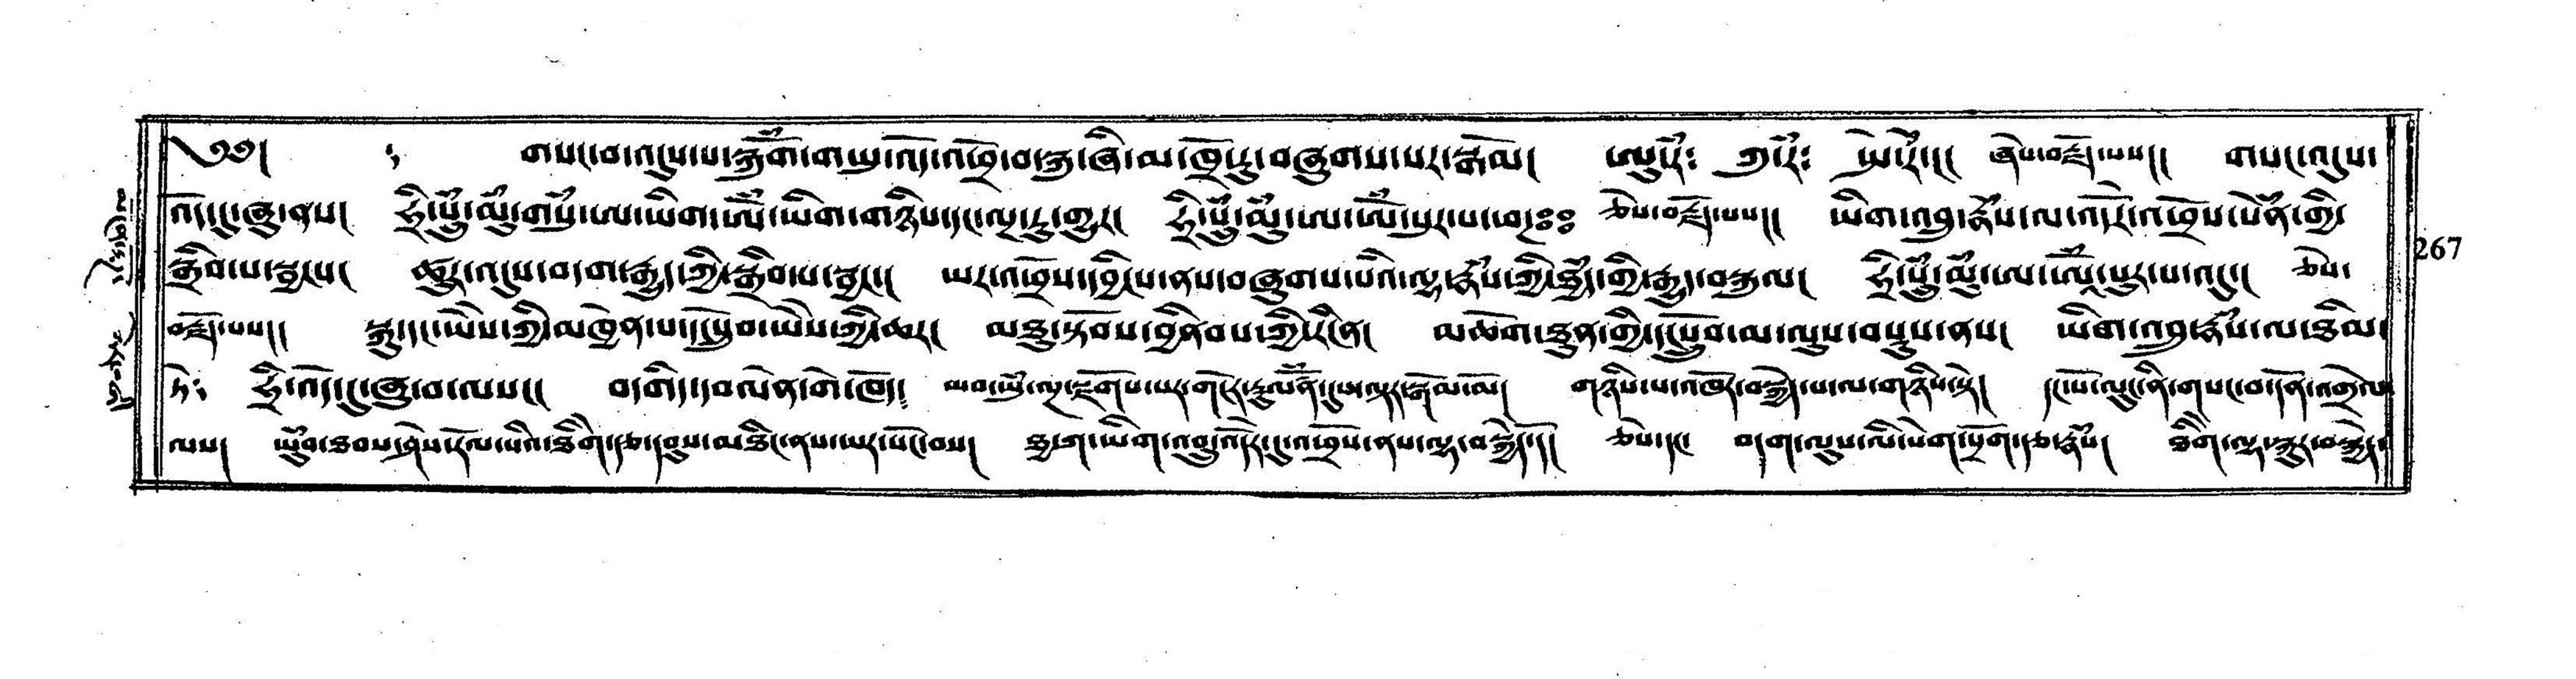གསང་བ་འདུས་པ་སྐུ་མདོག་གཡུ་འོད་འཕྲོ་བ་སྐུ་ཞི་མ་ཁྲོ་རུ་བཞུགས་པར་སྒོམ། ཨུ་རཾ༴ ཀུ་རཾ༴ སྤེ་རཾ།། ཞེས་བརྗོད་པས།། གསང་འདུས་
འོད་དུ་ཞུ་ནས། ཧྲི་སྲུཾ་མུཾ་གསུམ་ཨ་ཡིག་ཨོཾ་ཡིག་གཉིས་དང་ལྔ་རུ་གྱུར། ཧྲི་སྲུཾ་མུཾ་ཨ་ཨོཾ་པུར་པ་ཕཊ༔༔ ཅེས་བརྗོད་པས།། ཡིག་འབྲུ་རྣམས་ལ་འོད་ཟེར་འཕྲོས་སེམས་ཅན་གྱི་
སྒྲིབ་པ་སྦྱངས། ཚུར་འདུས་བདག་རྒྱུད་ཀྱི་སྒྲིབ་པ་སྦྱང་། ཡར་འཕྲོས་དབྱིངས་ནས་བཞུགས་པའི་ལྷ་རྣམས་ཀྱི་ཐུགས་དམ་གྱི་རྒྱུད་བསྐུལ། ཧྲི་སྲུཾ་མུཾ་ཨ་ཨཱོཾ་པུར་པ་འདུ། ཅེས་
བརྗོད་པས།། སྐུ་དང་ཡེ་ཤེས་ཀྱི་མཁྱེན་པ་དངོས་གྲུབ་ཡེ་ཤེས་ཀྱི་ཆར། མཐུ་སྟོབས་བྱིན་རླབས་ཀྱི་རང་བཞིན། མཆོག་ཐུན་གྱི་དངོས་གྲུབ་མ་ལུས་བསྡུས་ནས། ཡིག་འབྲུ་རྣམས་ལ་ཐིམ་
ཏེ། ཧྲི་འོད་དུ་ཞུ་བ་ལས།། བདག་ཉིད་དབལ་ཆེན་གེ་ཁོད། ཡབ་ཡུམ་ལྔ་རྫོགས་པར་གོང་ལྟར་རྡུལ་མཚོན་དུས་ལྟར་སྒོམ་མོ། གཉིས་པ་འཁོར་བསྐྱེད་པ་ལ་གཉིས་སྟེ། དང་པོ་ལུང་ནི་གསང་བ་དོན་འགྲེལ་
ལས། ཡབ་ཡུམ་ཐབས་ཤེས་རོལ་པའི་ཐིག་ལེ་རྩ་དབུས་མཐིང་ནས་ཡར་སོང་བས། ཐུགས་ཀ་ཡིག་འབྲུ་འོད་ཟེར་དུ་འཕྲོས་ནས་ལྷ་བསྐྱེད་དོ། ཅེས་དང་བདག་ལུས་ལི་སེག་སྲོག་རྩ་རྣམས། ཐིག་ལེ་ལྷ་སྐུར་བསྐྱེད་